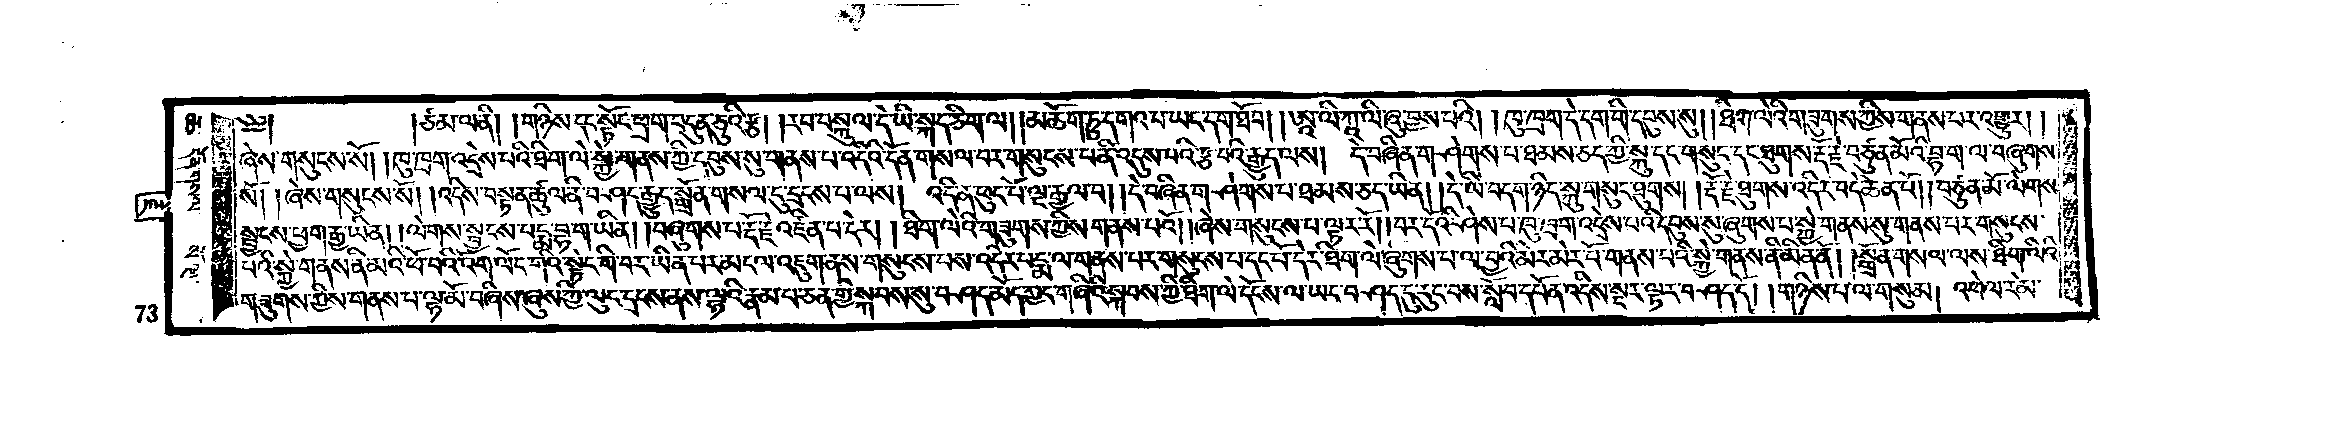༄༅། །ཙམ་ལ་ནི། །གཉིས་དང་སྟོང་ཕྲག་བདུན་ཅུའི་རྩ། །རབ་བསྐུལ་དེ་ཡི་སྐད་ཅིག་ལ། །མཆོག་ཏུ་དགའ་བ་ཡང་དག་ཐོབ། །ཨཱ་ལི་ཀཱ་ལི་ཞུ་བྱས་པའི། །ཁུ་ཁྲག་དེ་དག་གི་དབུས་སུ། །ཐིག་ལེའི་གཟུགས་ཀྱིས་གནས་པར་འགྱུར། །
ཞེས་གསུངས་སོ། །ཁུ་ཁྲག་འདྲེས་པའི་ཐིག་ལེ་སྐྱེ་གནས་ཀྱི་དབུས་སུ་གནས་པ་འདིའི་དོན་གསལ་བར་གསུངས་པ་ནི་འདུས་པའི་རྩ་བའི་རྒྱུད་ལས། དེ་བཞིན་གཤེགས་པ་ཐམས་ཅད་ཀྱི་སྐུ་དང་གསུང་དང་ཐུགས་རྡོ་རྗེ་བཙུན་མོའི་བྷ་ག་ལ་བཞུགས་
སོ། །ཞེས་གསུངས་སོ། །འདིས་བསྟན་ཚུལ་ནི་བཤད་རྒྱུད་སྒྲོན་གསལ་དུ་དྲངས་པ་ལས། འདི་ན་ཕུང་པོ་ལྔ་རྒྱལ་བ། །དེ་བཞིན་གཤེགས་པ་ཐམས་ཅད་ཡིན། །དེ་ཡི་བདག་ཉིད་སྐུ་གསུང་ཐུགས། །རྡོ་རྗེ་ཐུགས་འདིར་བདེ་ཆེན་པོ། །བཙུན་མོ་ལེགས་
སྦྱངས་ཕྱག་རྒྱ་ཡིན། །ལེགས་སྦྱངས་པདམ་བྷ་ག་ཡིན། །བཞུགས་པ་རྡོ་རྗེ་འཛིན་པ་དེར། །ཐིག་ལེའི་གཟུགས་ཀྱིས་གནས་པའོ། །ཞེས་གསུངས་པ་ལྟར་རོ། །བར་དོའི་ཤེས་པ་ཁུ་ཁྲག་འདྲེས་པའི་དབུས་སུ་ཞུགས་པ་སྐྱེ་གནས་སུ་གནས་པར་གསུངས་
པའི་སྐྱེ་གནས་ནི་མའི་ཕོ་བའི་འོག་ལོང་གའི་སྟེང་གི་བར་ཡིན་པར་མངལ་འཇུག་ནས་གསུངས་པས་འདིར་པདམ་ལ་གནས་པར་གསུངས་པ་དང་པོ་དེར་ཐིག་ལེ་ཞུགས་པ་ལ་བྱའི་མེར་མེར་པོ་གནས་པའི་སྐྱེ་གནས་ནི་མིན་ནོ། །སྒྲོན་གསལ་ལས་ཐིག་ལེའི་
གཟུགས་ཀྱིས་གནས་པ་ལྷ་མོ་བཞིས་ཞུས་ཀྱི་ལུང་དྲངས་ནས་ལྷའི་རྣམ་པ་ཅན་གྱི་སྐབས་སུ་བཤད་མོད་ཀྱང་གཞིའི་སྐབས་ཀྱི་ཐིག་ལེ་དངོས་ལ་ཡང་བཤད་དུ་རུང་བས་སློབ་དཔོན་འདིས་སྔར་ལྟར་བཤད་དོ། །གཉིས་པ་ལ་གསུམ། འཕེལ་རིམ་